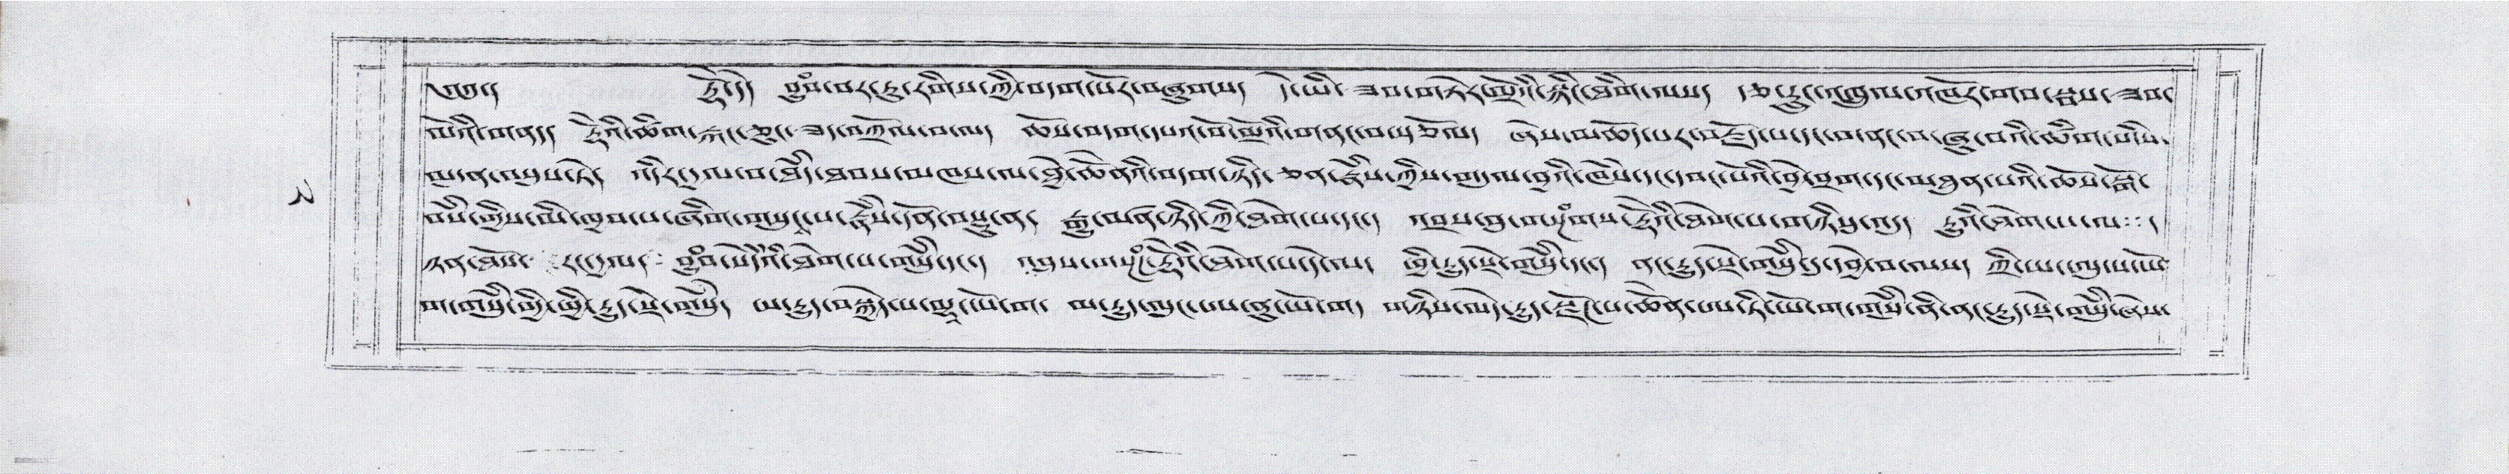རྡོ་རྗེ་དེ། །བྱང་ཆུབ་བར་དུ་རིགས་ཀྱི་བདག་པོར་བཞུགས། །དེ་ཡི་ཟབ་གཏེར་མཁའ་འགྲོའི་སྙིང་ཐིག་ལས། །རྩ་རླུང་འཁྲུལ་འཁོར་གབ་སྦས་ཟབ་
མོའི་གནད། །རྡོ་རྗེའི་ཚིག་རྐང་ཅུང་ཟད་བཀྲོལ་བ་ལ། །ཆོས་བདག་དཔའ་བོ་མཁའ་འགྲོས་གནང་བ་སྩོལ། །ཞེས་མཆོད་པར་བརྗོད་པ་དང་གནང་བ་ཞུ་བའི་ཚིག་གིས་
མདུན་བསུས་ཏེ། འདིར་རྒྱལ་བ་ཐམས་ཅད་ཐབས་མཁས་ལ་ཐུགས་རྗེ་ཆེན་པོའི་བདག་ཉིད་ཅན་རྣམས་ཀྱིས་གདུལ་བྱའི་ཁམས་དང་དབང་པོའི་བྱེ་བྲག་དང་མཐུན་པའི་ཆོས་སྒོ་
བསམ་གྱིས་མི་ཁྱབ་པ་ཞིག་གསུངས་པ་རྣམས་དོན་བསྡུ་ན། རྒྱུ་མཚན་ཉིད་ཀྱི་ཐེག་པ་དང་། འབྲས་བུ་གསང་སྔགས་རྡོ་རྗེའི་ཐེག་པ་གཉིས་སུ་འདུ། རྒྱུའི་ཐེག་པ་ལ་
ཉན་ཐོས་རང་རྒྱལ་བྱང་ཆུབ་སེམས་དཔའི་ཐེག་པ་གསུམ་དང་། འབྲས་བུ་གསང་སྔགས་རྡོ་རྗེའི་ཐེག་པ་དེ་ལ། ཕྱི་རྒྱུད་སྡེ་གསུམ་དང་། ནང་རྒྱུད་སྡེ་གསུམ་དུ་དབྱེ་བ་ལས། ཀྲི་པ་ཨུ་ཡ་ཡོ་
ག་གསུམ་གྱི་ཕྱི་རྒྱུད་སྡེ་གསུམ། ཕ་རྒྱུད་བསྐྱེད་པ་མ་ཧ་ཡོ་ག མ་རྒྱུད་ལུང་ཨ་ནུ་ཡོ་ག གཉིས་མེད་རྒྱུད་རྫོགས་པ་ཆེན་པོ་ཨ་ཏི་ཡོ་ག་གསུམ་ནི་ནང་རྒྱུད་སྡེ་གསུམ་ཞེས་